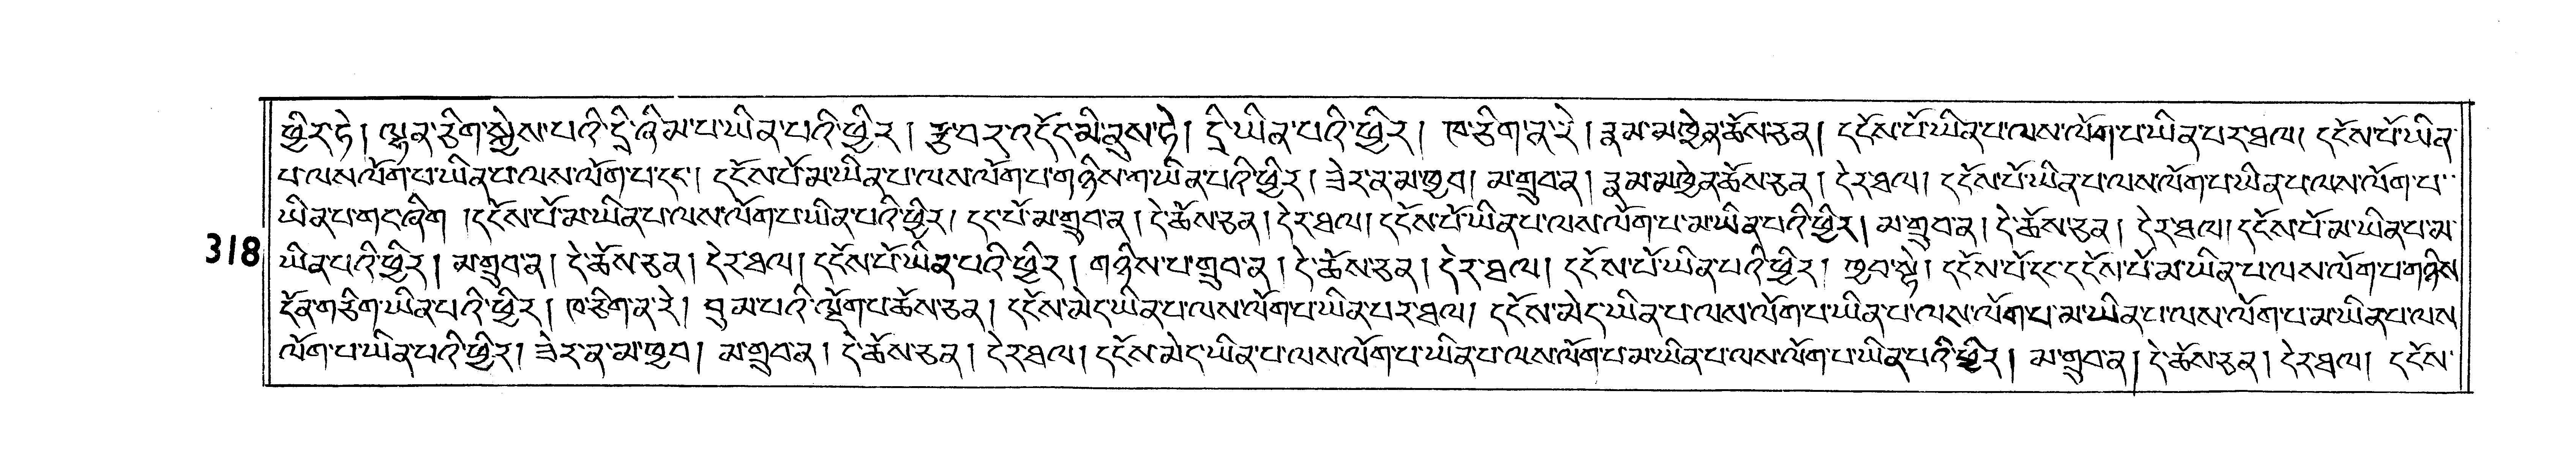ཕྱིར་ཏེ། ལྷན་ཅིག་སྐྱེས་པའི་དྲི་ཞིམ་པ་ཡིན་པའི་ཕྱིར། རྩ་བར་འདོད་མི་ནུས་ཏེ། དྲི་ཡིན་པའི་ཕྱིར། ཁ་ཅིག་ན་རེ། རྣམ་མཁྱེན་ཆོས་ཅན། དངོས་པོ་ཡིན་པ་ལས་ལོག་པ་ཡིན་པར་ཐལ། དངོས་པོ་ཡིན་
པ་ལས་ལོག་པ་ཡིན་པ་ལས་ལོག་པ་དང་། དངོས་པོ་མ་ཡིན་པ་ལས་ལོག་པ་གཉིས་ཀ་ཡིན་པའི་ཕྱིར། ཟེར་ན་མ་ཁྱབ། མ་གྲུབ་ན། རྣམ་མཁྱེན་ཆོས་ཅན། དེར་ཐལ། དངོས་པོ་ཡིན་པ་ལས་ལོག་པ་ཡིན་པ་ལས་ལོག་པ་
ཡིན་པ་གང་ཞིག །དངོས་པོ་མ་ཡིན་པ་ལས་ལོག་པ་ཡིན་པའི་ཕྱིར། དང་པོ་མ་གྲུབ་ན། དེ་ཆོས་ཅན། དེར་ཐལ། དངོས་པོ་ཡིན་པ་ལས་ལོག་པ་མ་ཡིན་པའི་ཕྱིར། མ་གྲུབ་ན། དེ་ཆོས་ཅན། དེར་ཐལ། དངོས་པོ་ཡིན་པ་ལས་ལོག་པ་ཡིན་པ་ལས་ལོག་པ་
ཡིན་པའི་ཕྱིར། མ་གྲུབ་ན། དེ་ཆོས་ཅན། དེར་ཐལ། དངོས་པོ་ཡིན་པའི་ཕྱིར། གཉིས་པ་གྲུབ་ན། དེ་ཆོས་ཅན། དེར་ཐལ། དངོས་པོ་ཡིན་པའི་ཕྱིར། ཁྱབ་སྟེ། དངོས་པོ་དང་དངོས་པོ་མ་ཡིན་པ་ལས་ལོག་པ་གཉིས་
དོན་གཅིག་ཡིན་པའི་ཕྱིར། ཁ་ཅིག་ན་རེ། བུམ་པའི་ལྡོག་པ་ཆོས་ཅན། དངོས་མེད་ཡིན་པ་ལས་ལོག་པ་ཡིན་པར་ཐལ། དངོས་མེད་ཡིན་པ་ལས་ལོག་པ་ཡིན་པ་ལས་ལོག་པ་མ་ཡིན་པ་ལས་ལོག་པ་མ་ཡིན་པ་ལས་
ལོག་པ་ཡིན་པའི་ཕྱིར། ཟེར་ན་མ་ཁྱབ། མ་གྲུབ་ན། དེ་ཆོས་ཅན། དེར་ཐལ། དངོས་མེད་ཡིན་པ་ལས་ལོག་པ་ཡིན་པ་ལས་ལོག་པ་མ་ཡིན་པ་ལས་ལོག་པ་ཡིན་པའི་ཕྱིར། མ་གྲུབ་ན། དེ་ཆོས་ཅན། དེར་ཐལ། དངོས་